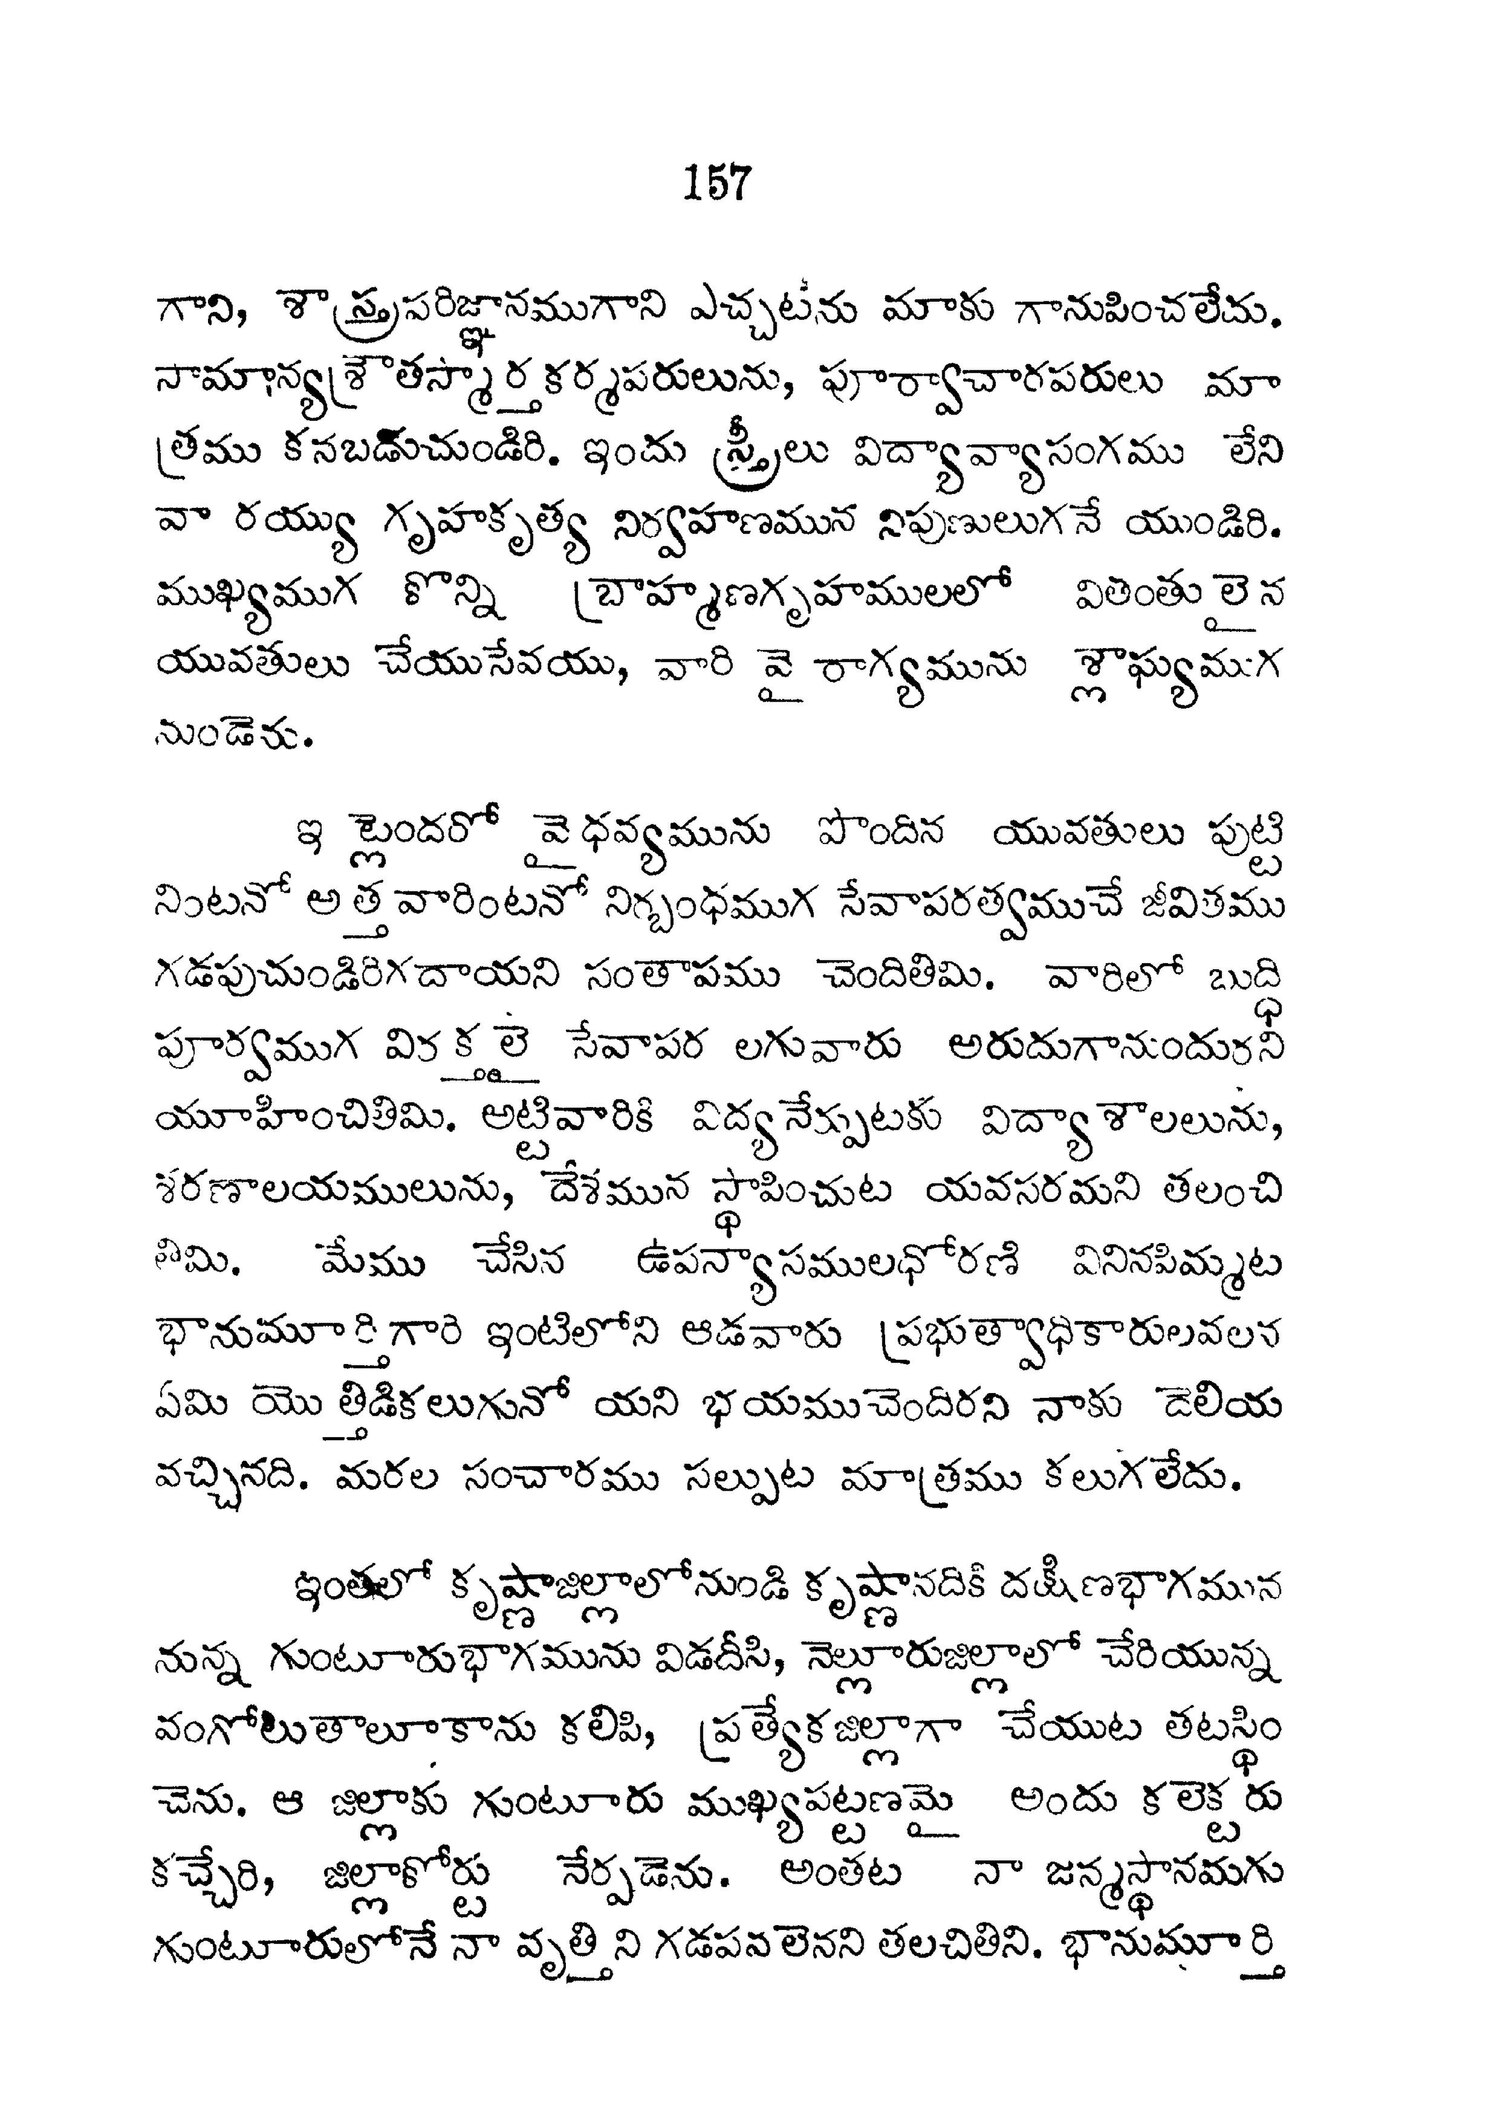గాని, శాస్త్రపరిజ్ఞానముగాని ఎచ్చటను మాకు గానుపించలేదు. సామాన్యశ్రౌతస్మార్తకర్మపరులును, పూర్వాచారపరులు మాత్రము కనబడుచుండిరి. ఇందు స్త్రీలు విద్యావ్యాసంగము లేనివా రయ్యు గృహకృత్య నిర్వహణమున నిపుణులుగనే యుండిరి. ముఖ్యముగ కొన్ని బ్రాహ్మణగృహములలో వితంతులైన యువతులు చేయుసేవయు, వారి వైరాగ్యమును శ్లాఘ్యముగ నుండెను.

ఇట్లెందరో వైధవ్యమును పొందిన యువతులు పుట్టినింటనో అత్తవారింటనో నిర్బంధముగ సేవాపరత్వముచే జీవితము గడపుచుండిరిగదాయని సంతాపము చెందితిమి. వారిలో బుద్ధి పూర్వముగ విరక్తలై సేవాపర లగువారు అరుదుగానుందురని యూహించితిమి. అట్టివారికి విద్యనేర్పుటకు విద్యాశాలలును, శరణాలయములును, దేశమున స్థాపించుట యవసరమని తలంచితిమి. మేము చేసిన ఉపన్యాసములధోరణి వినినపిమ్మట భానుమూర్తిగారి ఇంటిలోని ఆడవారు ప్రభుత్వాధికారులవలన ఏమి యొత్తిడికలుగునో యని భయముచెందిరని నాకు దెలియవచ్చినది. మరల సంచారము సల్పుట మాత్రము కలుగలేదు.

ఇంతలో కృష్ణాజిల్లాలోనుండి కృష్ణానదికి దక్షిణభాగమున నున్న గుంటూరుభాగమును విడదీసి, నెల్లూరుజిల్లాలో చేరియున్న వంగోలుతాలూకాను కలిపి, ప్రత్యేకజిల్లాగా చేయుట తటస్థించెను. ఆ జిల్లాకు గుంటూరు ముఖ్యపట్టణమై అందు కలెక్టరుకచ్చేరి, జిల్లాకోర్టు నేర్పడెను. అంతట నా జన్మస్థానమగు గుంటూరులోనే నా వృత్తిని గడపవలెనని తలచితిని. భానుమూర్తి